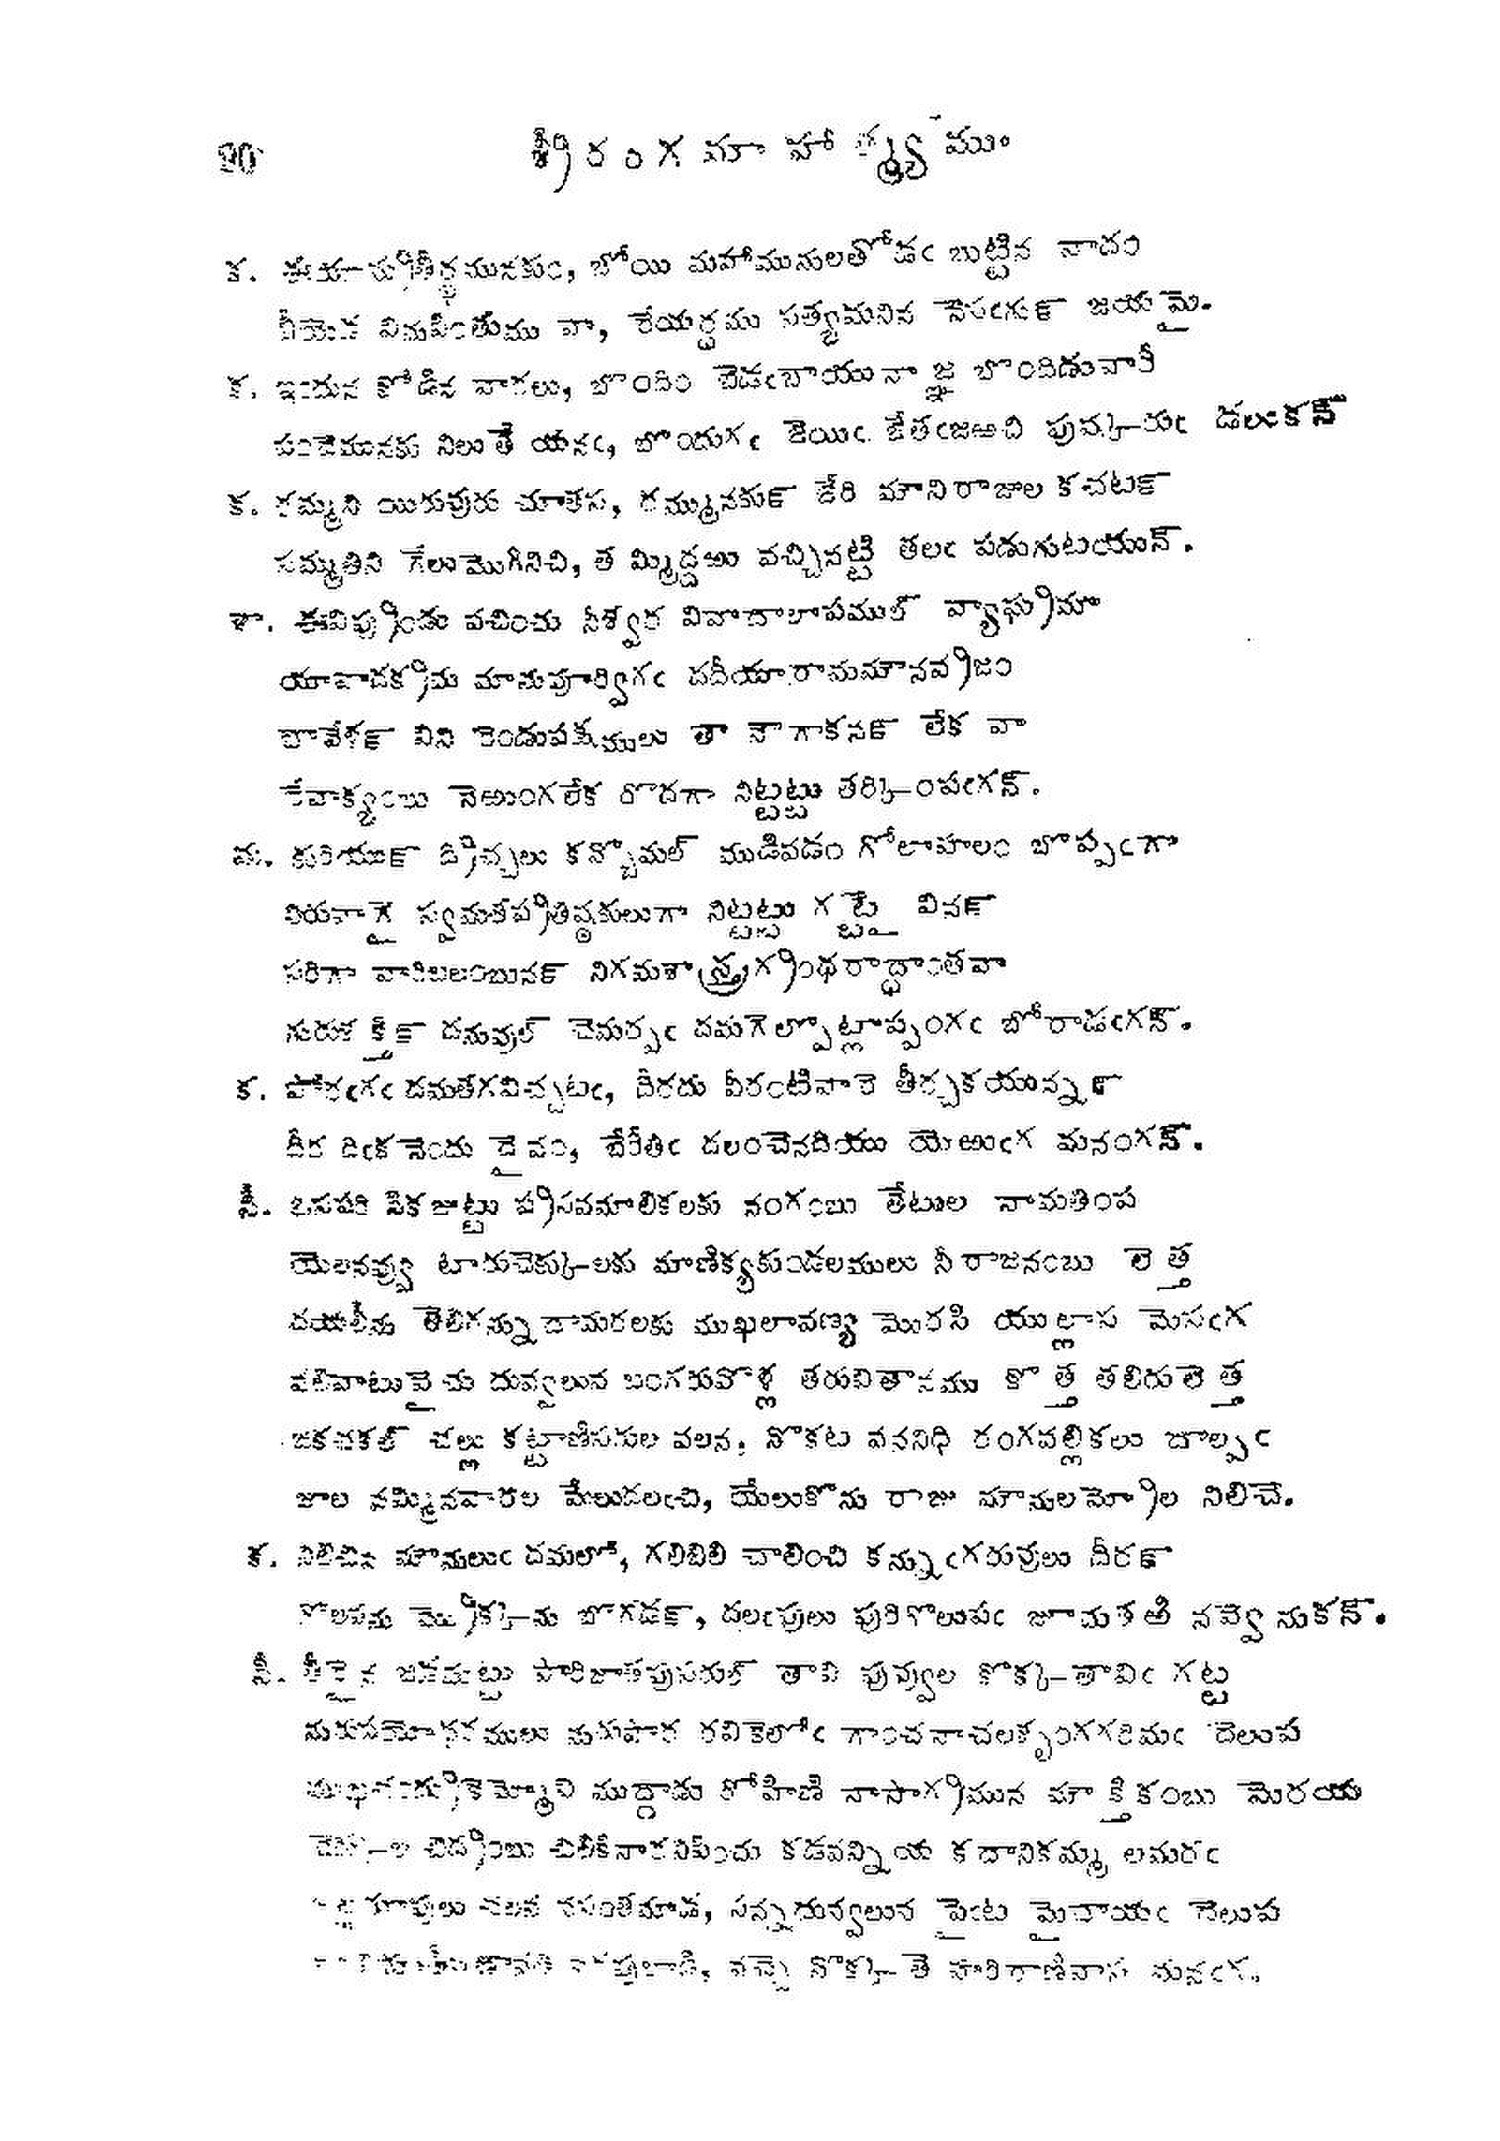క. ఈయామ్రతీర్థమునకుఁ, బోయి మహామునులతోడఁ బుట్టిన నాదం
 బీయెడ వినుపింతుము వా, రేయర్థము సత్యమనిన నెసఁగున్ జయమై.
క. ఇందున కోడిన వారలు, బొందిం బెడఁబాయునాజ్ఞ బొందిడువారీ
 పందెమునకు నిలుతే యనఁ, బొందుగఁ జెయిఁ జేతఁజఱచి పుష్కరుఁ డలుకన్
క. రమ్మని యిరువురు చూతస, రమ్మునకున్ జేరి మౌనిరాజుల కచటన్
 సమ్మతిని గేలుమొగినిచి, త మ్మిద్దఱు వచ్చినట్టి తలఁ పడుగుటయున్.
శా. ఈవిప్రుండు వచించు నీశ్వర వివాదాలాపముల్ వ్యాఘ్రమా
 యాచక్రమ మానుపూర్విగఁ దదీయారామమౌనవ్రజం
 బావేళన్ విని రెండుపక్షములు తా నౌగాకనన్ లేక వా
 రేవాక్యంబు నెఱుంగలేక రొదగా నిట్టట్టు తర్కింపఁగన్.
మ. కురియున్ ద్రిచ్చలు కన్బొమల్ ముడిపడం గోలాహలం బొప్పఁగా
 నిరువాగై స్వమతప్రతిష్ఠకులుగా నిట్టటు గట్టై వినన్
 సరిగా వాదిబలంబునన్ నిగమశాస్త్రగ్రంథరాద్ధాంతవా
 గురుశక్తిన్ దనువుల్ చెమర్పఁ దమగెల్పొట్లాప్పంగఁ బోరాడఁగన్.
క. పోరఁగఁ దమతగవిచ్చటఁ, దీరదు వీరంటివారె తీర్చకయున్నన్
 దీర దిఁక నెందు దైవం, బేరీతిఁ దలంచెనదియు యెఱుఁగ మనంగన్.
సీ. ఒసపరి సికజుట్టు ప్రసవమాలికలకు నంగంబు తేటుల నామతింప
 యెలనవ్వు టారుచెక్కులకు మాణిక్యకుండలములు నీరాజనంబు లెత్త
 దయలీను తెలిగన్నుదామరలకు ముఖలావణ్య మొరసి యుల్లాస మెసఁగ
 వలివాటువైచు దువ్వలువ బంగకువొళ్ల తరువితానము కొత్త తలిరులెత్త
 జకచకల్ చల్లు కట్టాణిసరుల వలన, నొకట వవనిధి రంగవల్లికలు దాల్పఁ
 జాల నమ్మినవారల మేలుదలఁచి, యేలుకొను రాజు మౌనులమ్రోల నిలిచె.
క. నిలిచిన మౌనులుఁ దమలో, గలిబిలి చాలించి కన్నుఁగరువులు దీరన్
 గొలవను మ్రొక్కను బొగడన్, దలఁపులు పురిగొలుపఁ జూచుతఱి నవ్వెనుకన్.
సీ. తీరైన జడచుట్టు పారిజాతపుసరుల్ తావి పువ్వుల కొక్కతావిఁ గట్ట
 నురుపయోధరములు నురుపార రవికెలోఁ గాంచనాచలశృంగగరిమఁ దెలుప
 ముఖచంద్రుకెమ్మోవి ముద్దాడు రోహిణి నాసాగ్రమున మౌక్తికంబు మెరయ
 చెక్కులచిద్రంబు చిలికినారనిపించు కడవన్నియ కదానికమ్మ లమరఁ
 అట్లచూపులు చలన వసంతమాడ, సన్నదువ్వలువ పైఁట మైచాయఁ దెలుప
 నరవిభూతీషణావతి వగపులాడి, వచ్చె నొక్కతె హరిరాణివాస మనఁగ.